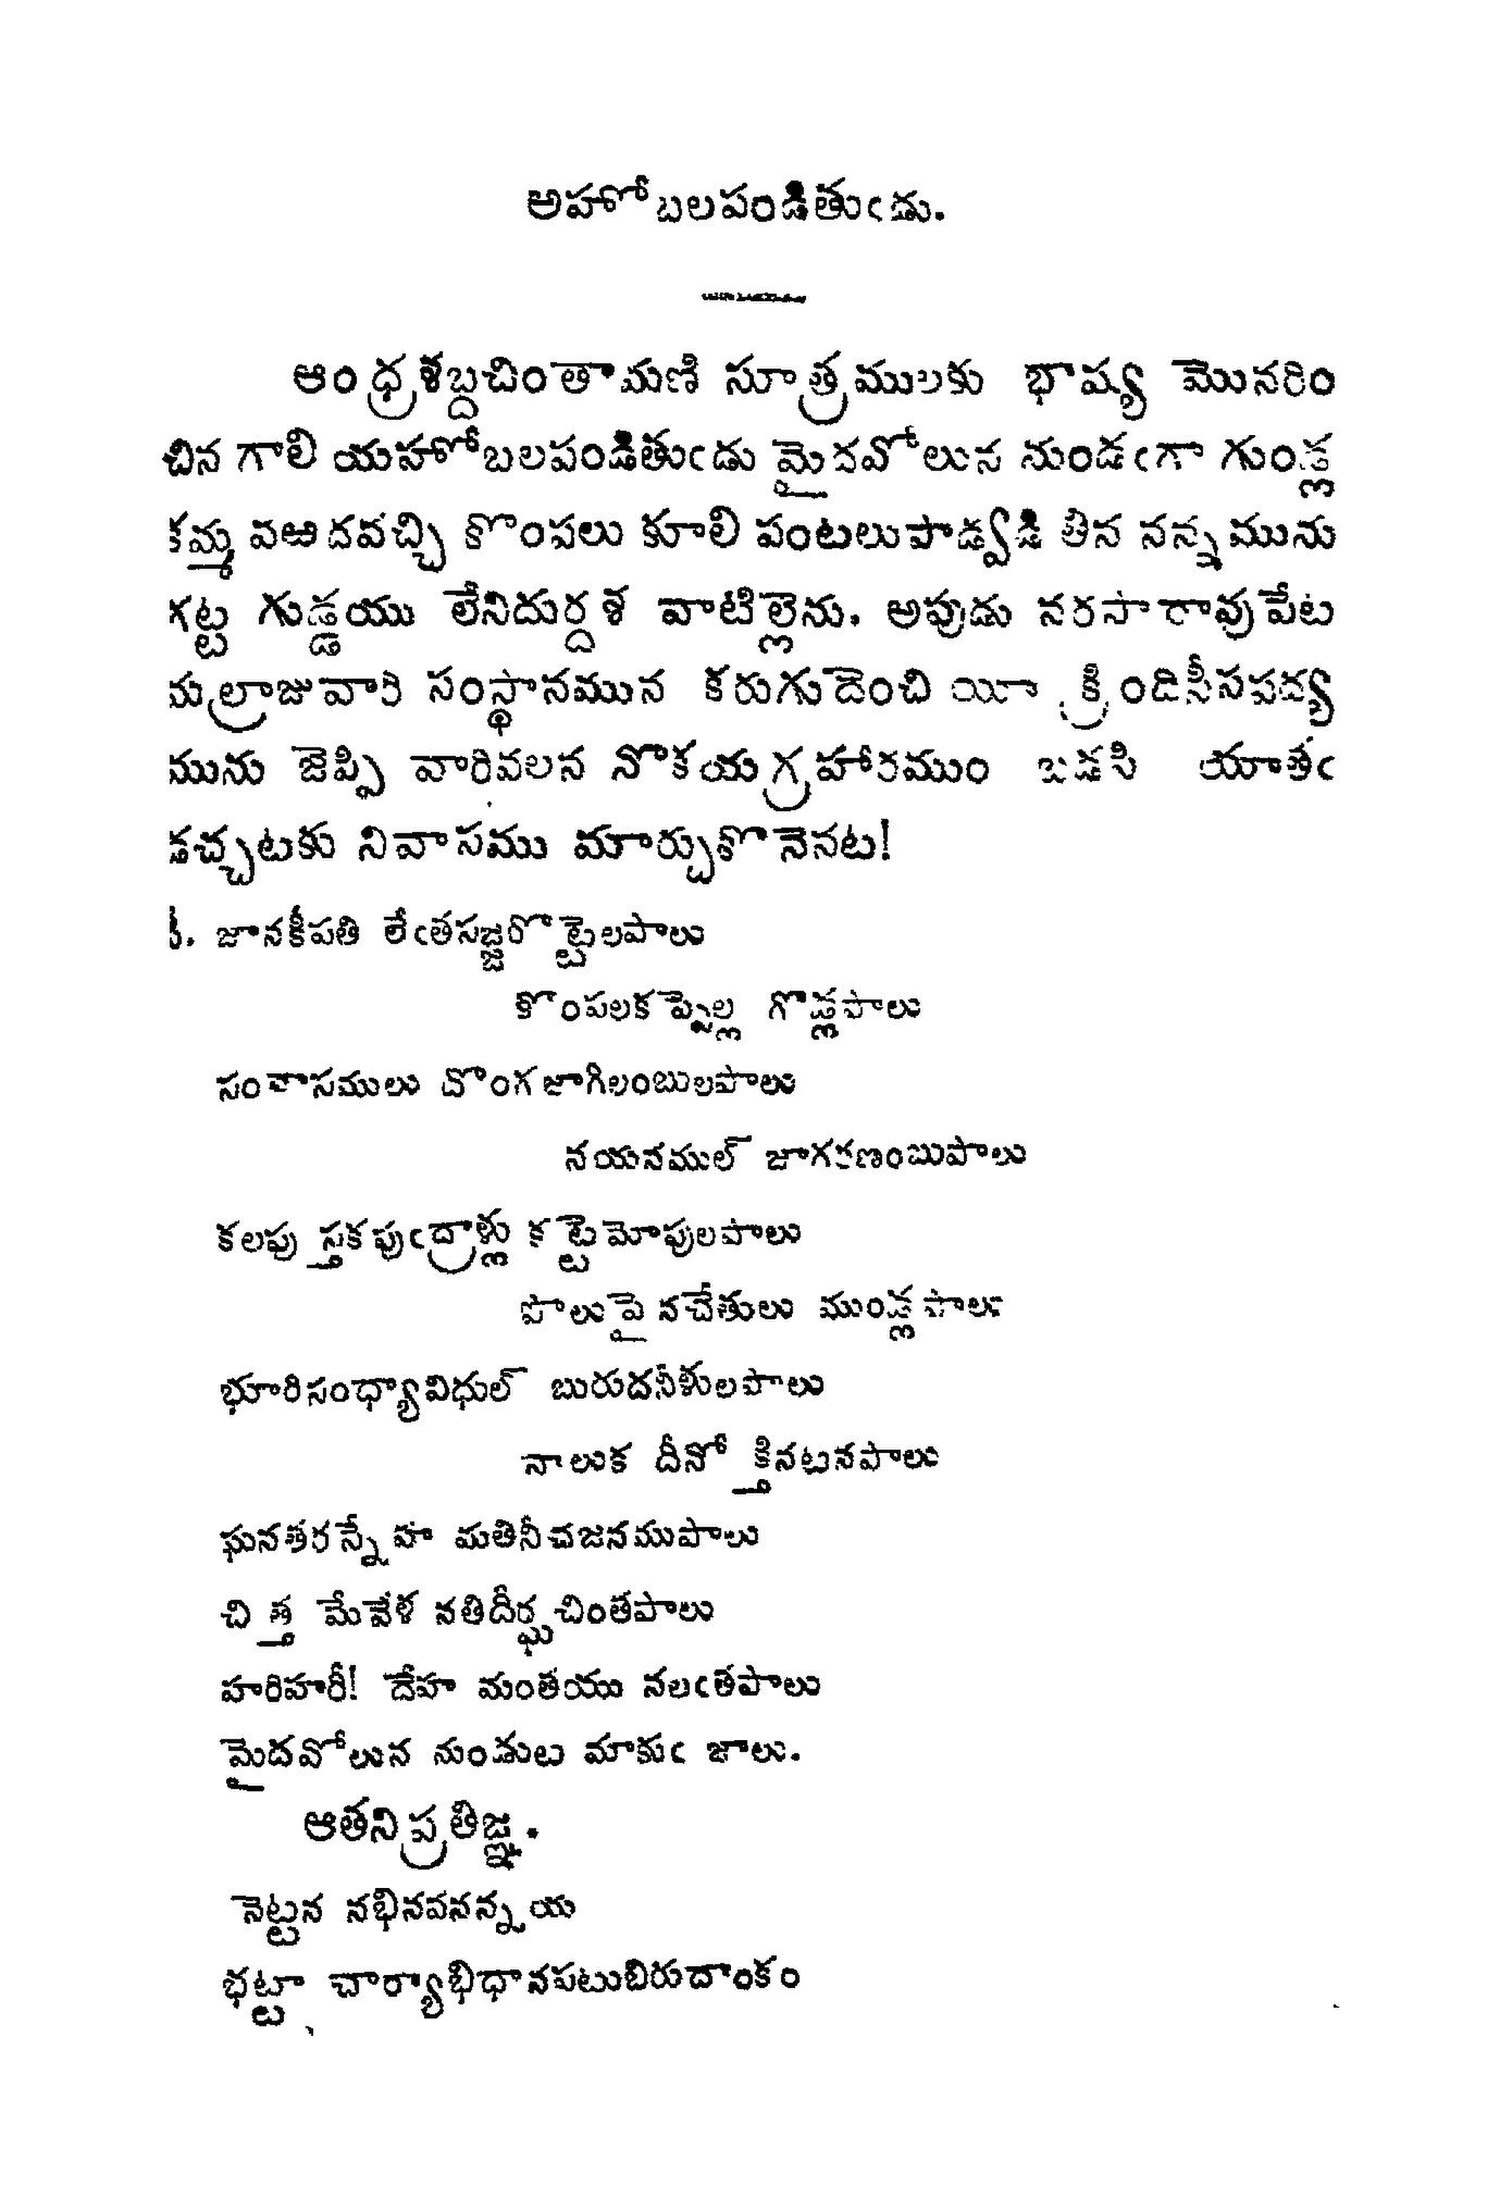ఆంధ్రశబ్దచింతామణి సూత్రములకు భాష్య మొనరించిన గాలి యహోబలపండితుఁడు మైదవోలున నుండఁగా గుండ్లకమ్మ వఱద వచ్చి కొంపలు కూలి పంటలు పాడ్వడి తిన నన్నమును గట్ట గుడ్డయు లేనిదుర్దశ వాటిల్లెను. అపుడు నరసారావుపేట మల్రాజువారి సంస్థానమున కరుగుదెంచి యీ క్రిందిసీసపద్యమును జెప్పి వారివలన నొకయగ్రహారముం బడసి యాతఁ డచ్చటకు నివాసము మార్చుకొనెనఁట!
సీ. జానకీపతి లేఁతసజ్జరొట్టెలపాలు
 కొంపలకప్పెల్ల గొడ్లపాలు
 సంవాసములు దొంగజాగిలంబులపాలు
 నయనముల్ జాగరణంబుపాలు
 కలపుస్తకపుఁద్రాళ్ళు కట్టెమోపులపాలు
 పొలుపైనచేతులు ముండ్లపాలు
 భూరిసంధ్యావిధుల్ బురుదనీళులపాలు
 నాలుక దీనోక్తినటనపాలు
గీ. ఘనతరస్నేహ మతినీచజనముపాలు
 చిత్త మేవేళ నతిదీర్ఘచింతపాలు
 హరిహరీ! దేహ మంతయు నలఁతపాలు
 మైదవోలున నుండుట మాకుఁ జాలు.
ఆతని ప్రతిజ్ఞ
క. నెట్టన నభనవనన్నయ
 భట్టాచార్యాభిధానపటుబిరుదాంకం